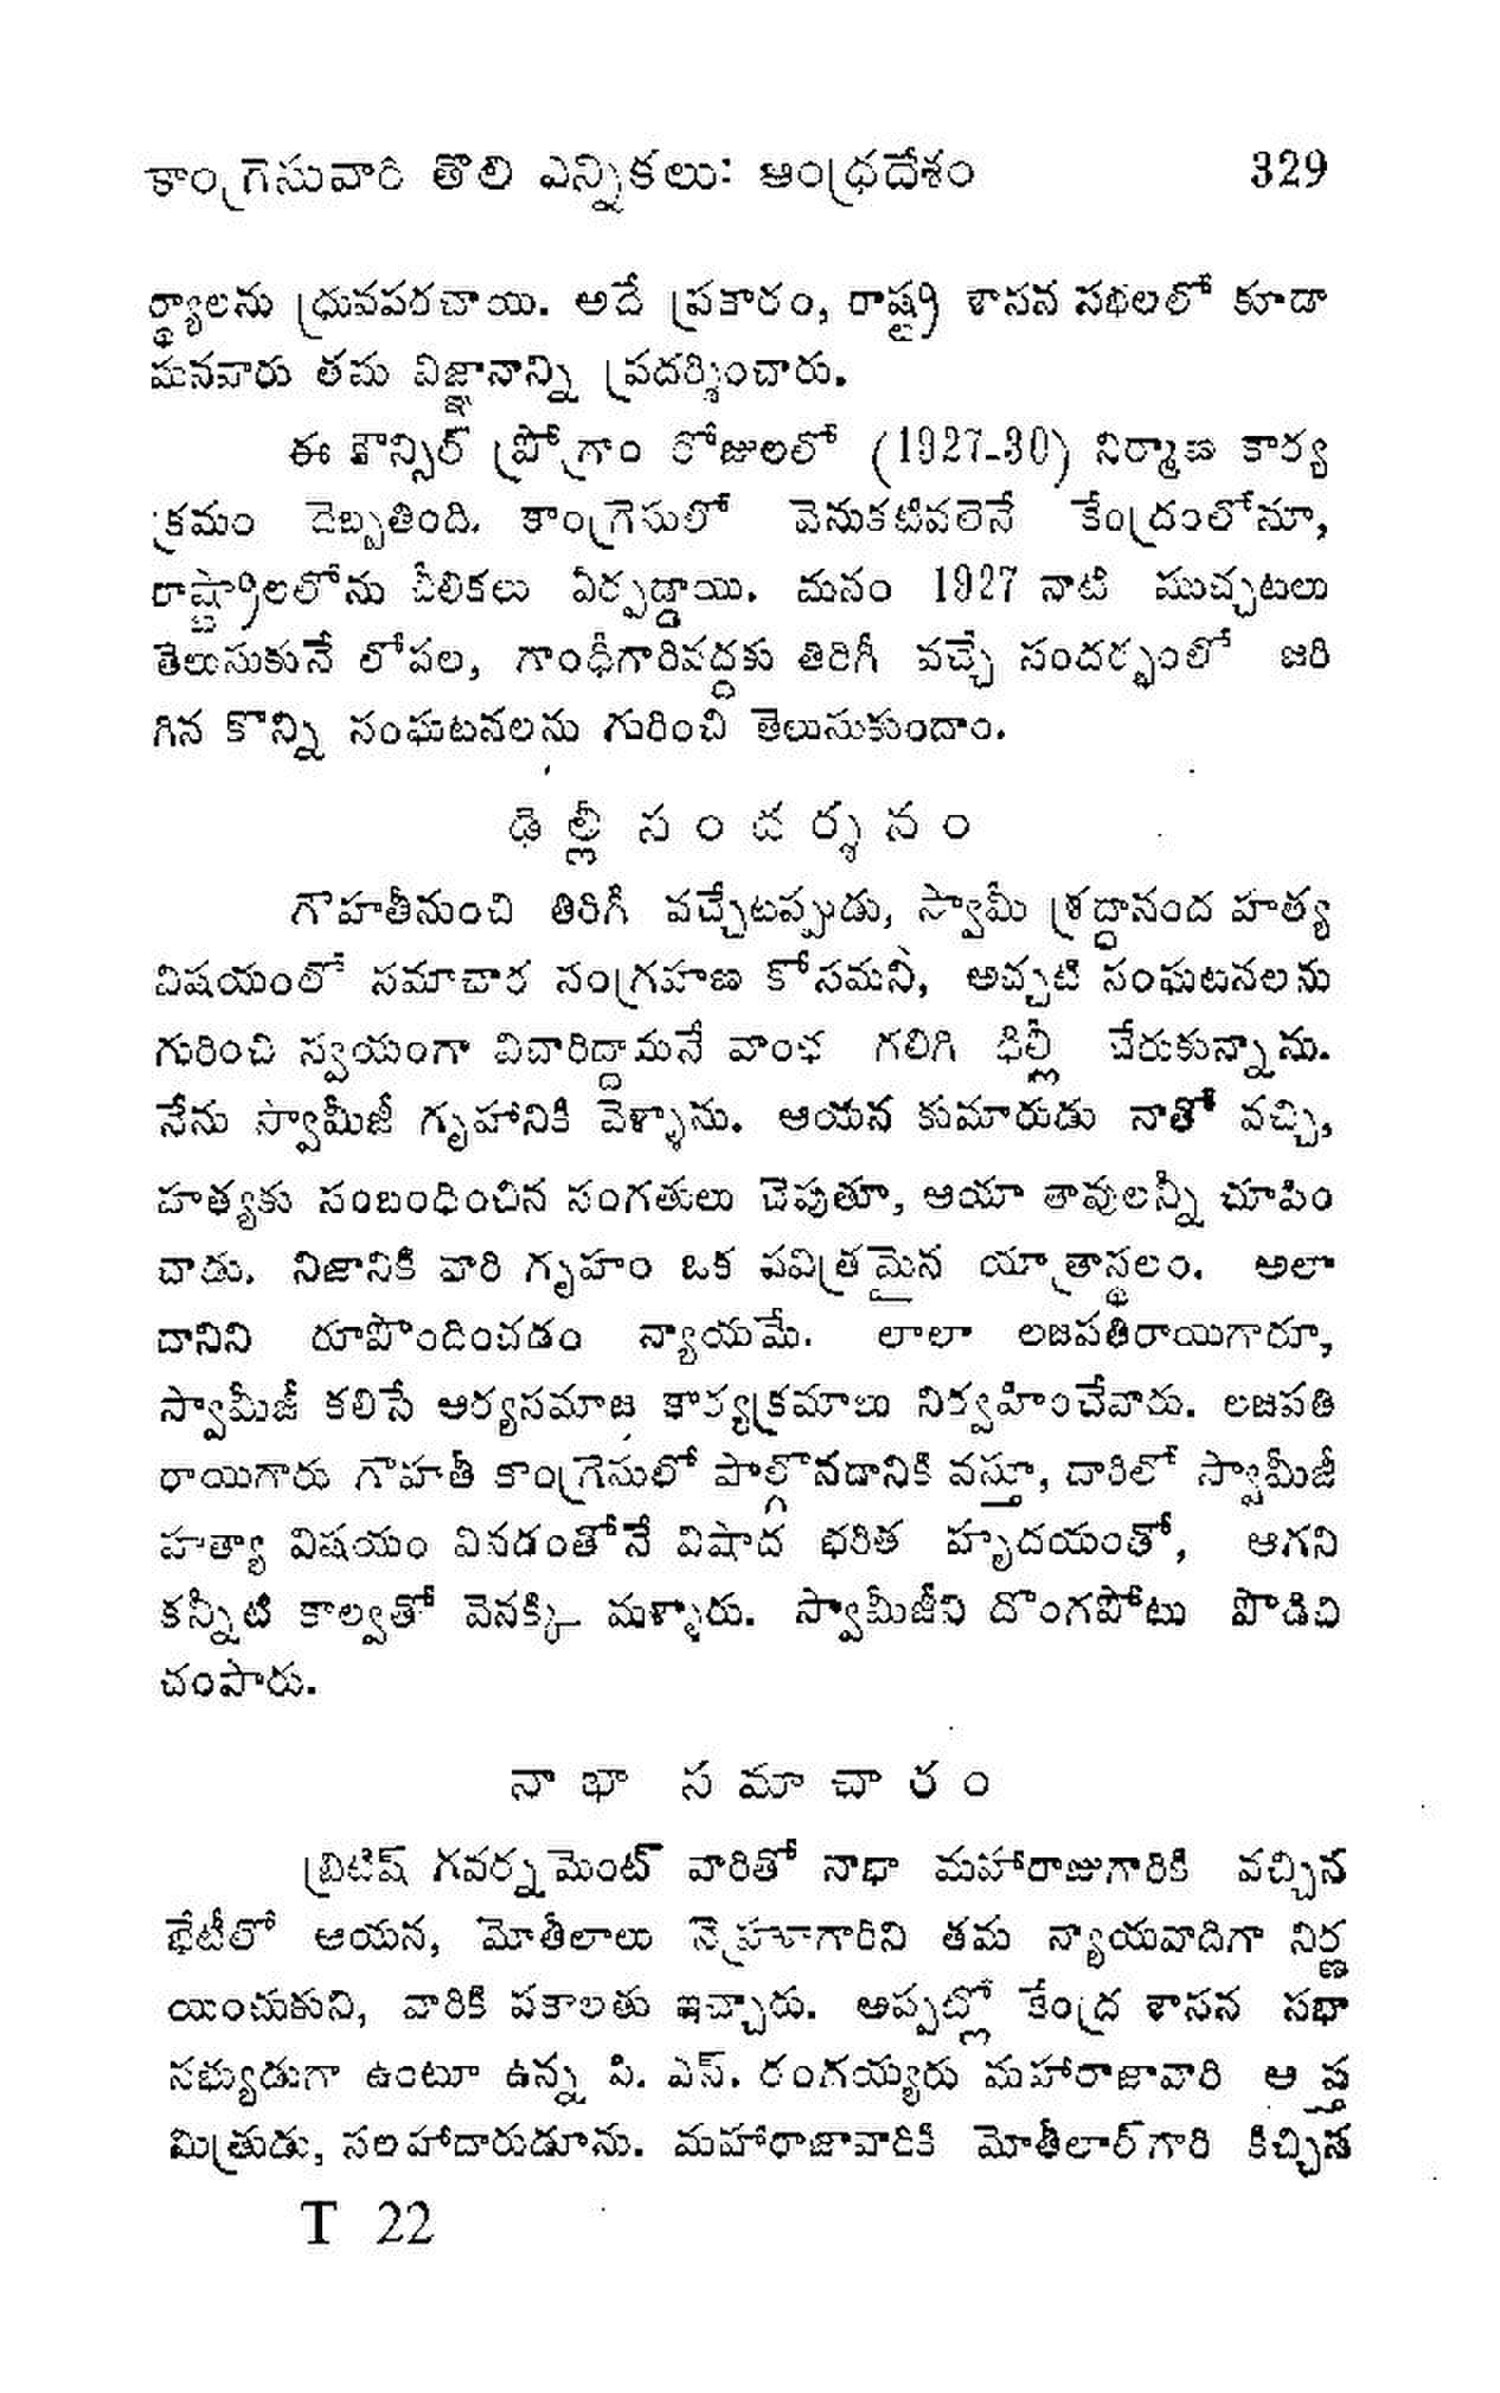ర్థ్యాలను ద్రువపరచాయి. అదే ప్రకారం రాష్ట్ర శాసన సభలలో కూడా మనవారు తమ విజ్ఞానాన్ని ప్రదర్శించారు.

ఈ కౌన్సిల్ ప్రోగ్రాం రోజులలో (1927-30) నిర్మాణ కార్యక్రమం దెబ్బతింది. కాంగ్రెసులో వెనుకటివలెనే కేంద్రంలోనూ, రాష్ట్రాలలోను చీలికలు ఏర్పడ్డాయి. మనం 1927 నాటి ముచ్చటలు తెలుసుకునే లోపల, గాంధీగారి వద్దకు తిరిగీ వచ్చే సందర్భంలో జరిగిన కొన్ని సంఘటనలను గురించి తెలుసుకుందాం.

గౌహతీనుంచి తిరిగీ వచ్చేటప్పుడు, స్వామీ శ్రద్ధానంద హత్య విషయంలో సమాచార సంగ్రహణ కోసమని, అచ్చటి సంఘటనలను గురించి స్వయంగా విచారిద్దామనే వాంఛ గలిగి ఢిల్లీ చేరుకున్నాను. నేను స్వామీజీ గృహానికి వెళ్ళాను. ఆయన కుమారుడు నాతో వచ్చి, హత్యకు సంబంధించిన సంగతులు చెపుతూ, ఆయా తావులన్నీ చూపించాడు. నిజానికి వారి గృహం ఒక పవిత్రమైన యాత్రాస్థలం. అలా దానిని రూపొందించడం న్యాయమే. లాలా లజపతిరాయిగారూ, స్వామీజీ కలిసే ఆర్యసమాజ కార్యక్రమాలు నిర్వహించేవారు. లజపతిరాయిగారు గౌహతీ కాంగ్రెసులో పాల్గొనడానికి వస్తూ, దారిలో స్వామీజీ హత్యా విషయం వినడంతోనే విషాద భరిత హృదయంతో, ఆగని కన్నీటి కాల్వతో వెనక్కి మళ్ళారు. స్వామీజీని దొంగపోటు పొడిచి చంపారు.

బ్రిటిష్ గవర్నమెంట్ వారితో నాభా మహారాజుగారికి వచ్చిన భేటీలో ఆయన, మోతిలాలు నెహ్రూగారిని తమ న్యాయవాదిగా నిర్ణయించుకుని, వారికి వకాలతు ఇచ్చారు. అప్పట్లో కేంద్ర శాసన సభా సభ్యుడుగా ఉంటూ ఉన్న సి. ఎస్. రంగయ్యరు మహారాజావారి ఆప్త మిత్రుడు, సలహాదారుడూను. మహారాజావారికి మోతిలాల్‌గారి కిచ్చిన